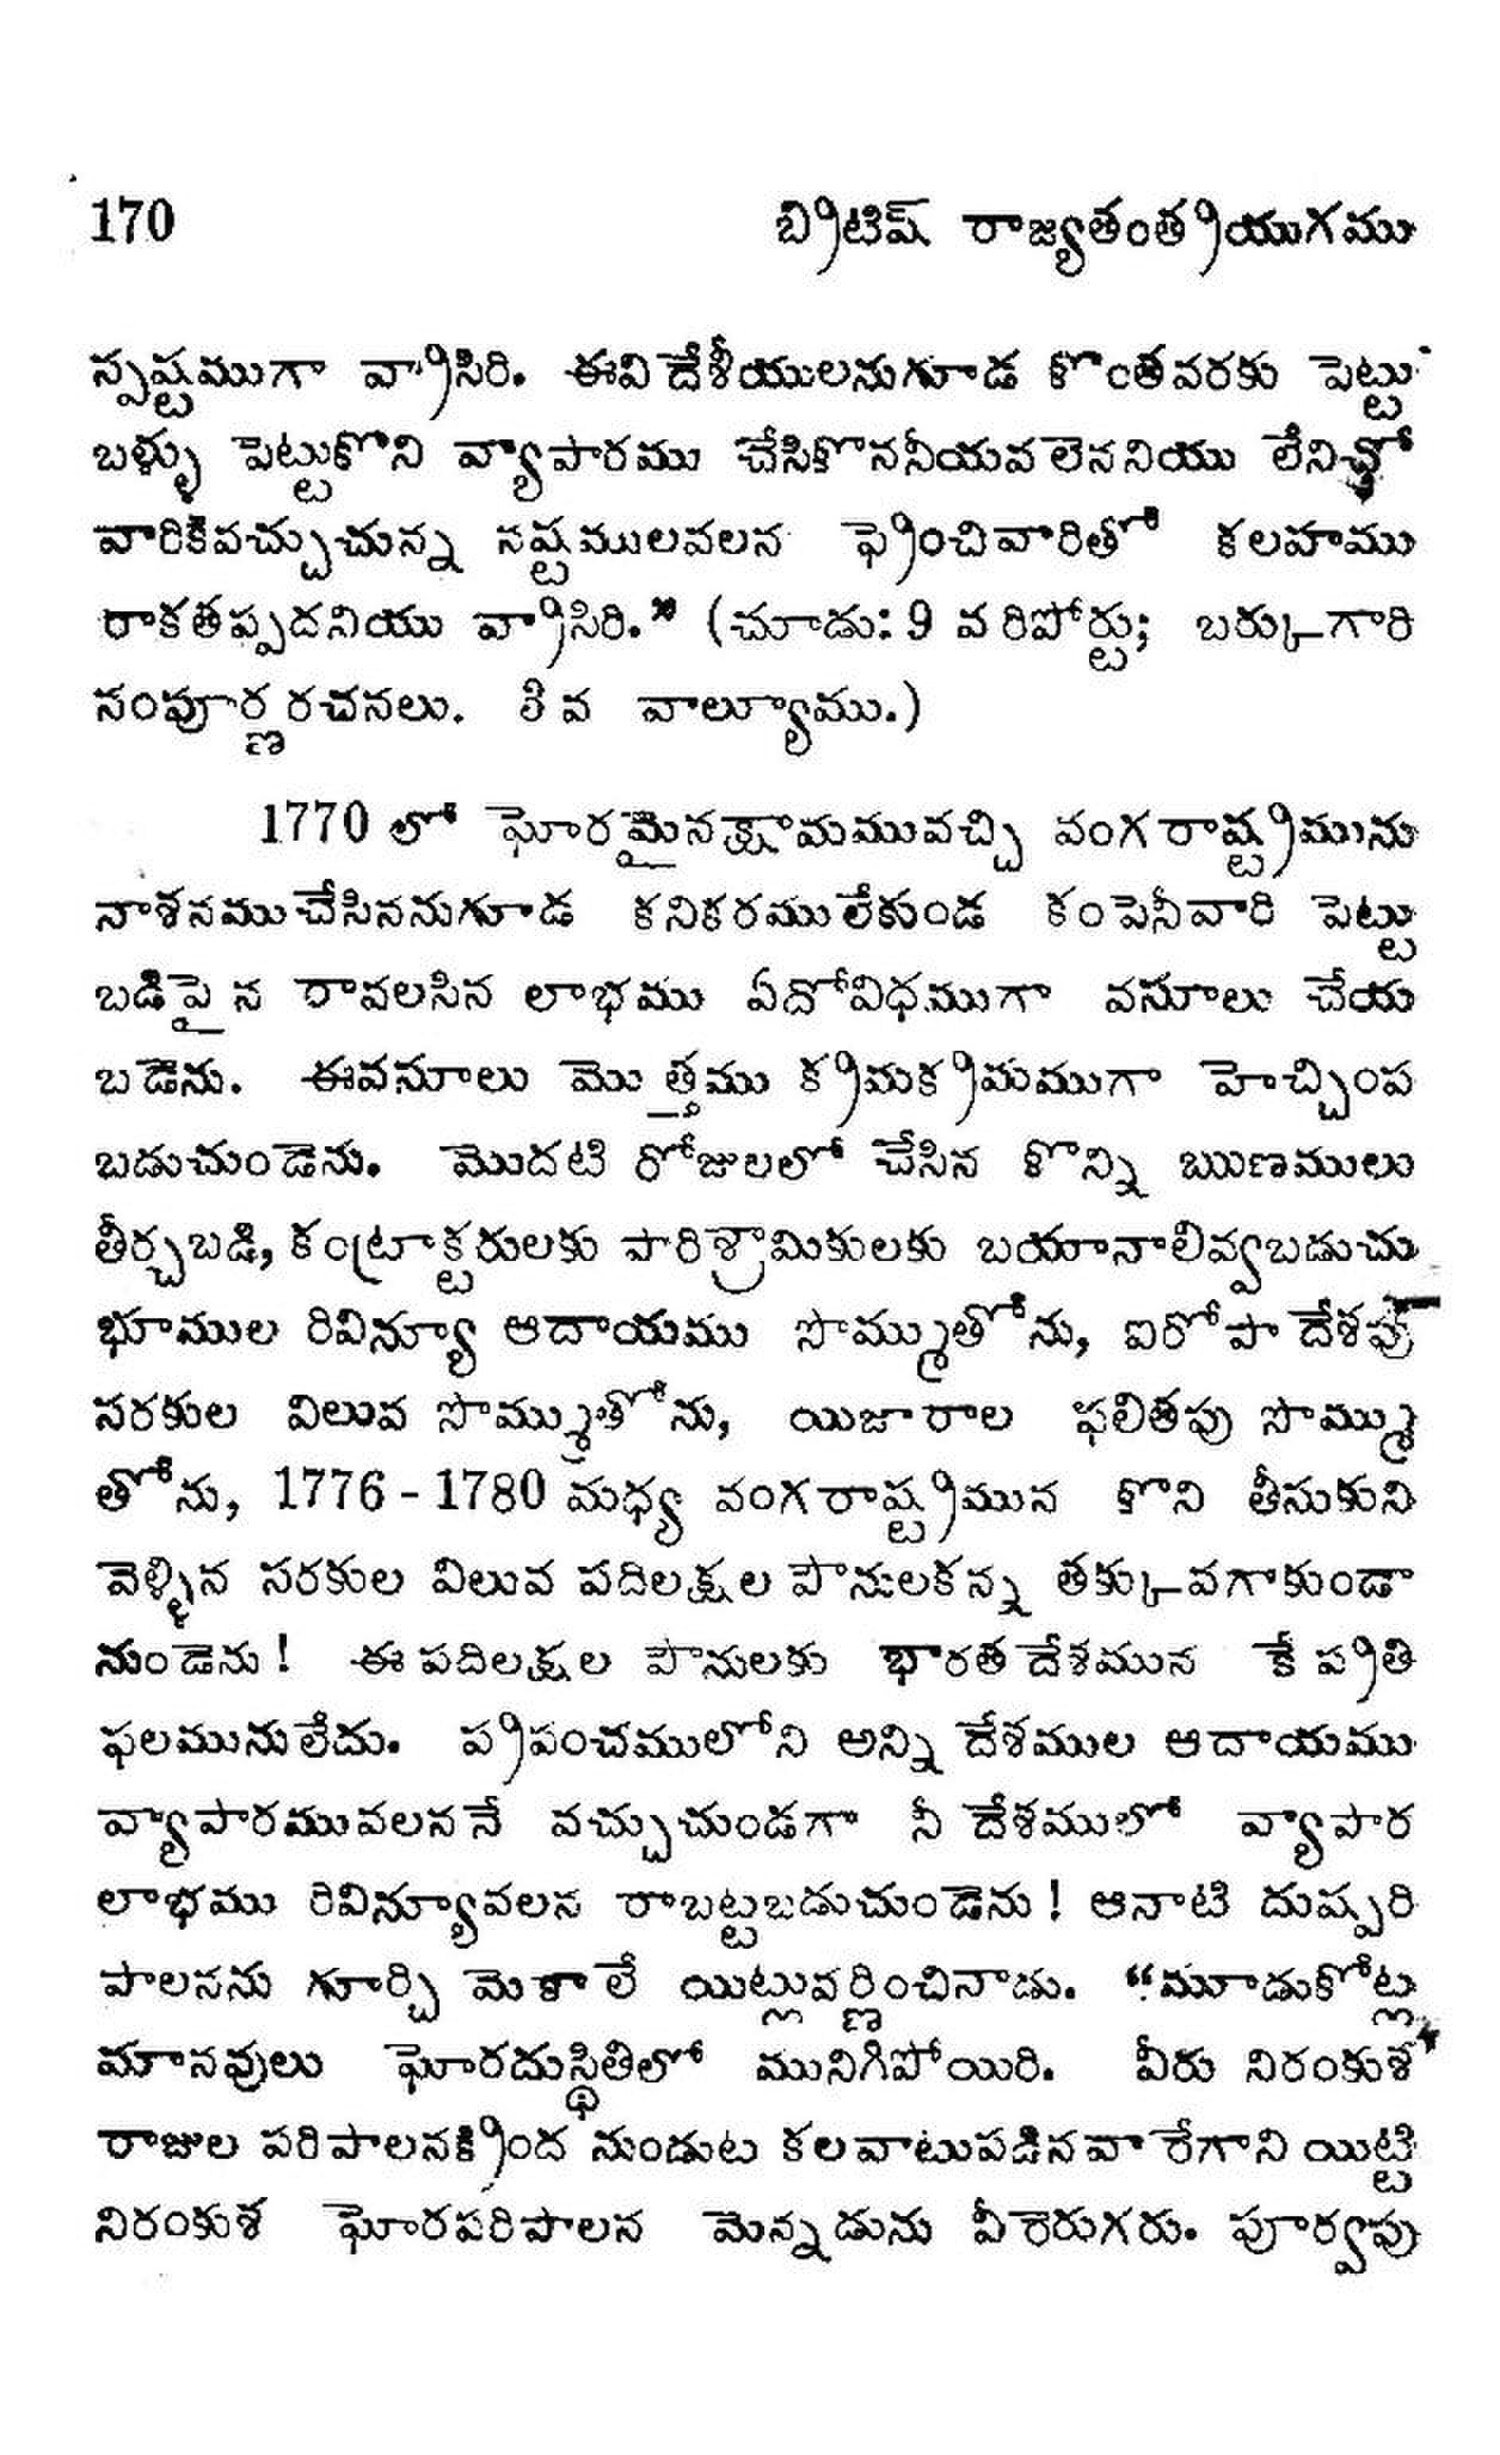స్పష్టముగా వ్రాసిరి. ఈవిదేశీయులనుగూడ కొంతవరకు పెట్టుబళ్ళు పెట్టుకొని వ్యాపారము చేసికొననీయవలెననియు లేనిచో వారికివచ్చుచున్న నష్టములవలన ఫ్రెంచివారితో కలహము రాకతప్పదనియు వ్రాసిరి." (చూడు: 9 వ రిపోర్టు; బర్కుగారి సంపూర్ణరచనలు. 3 వ వాల్యూము.)

1770 లో ఘోరమైనక్షామమువచ్చి వంగరాష్ట్రమును నాశనముచేసిననుగూడ కనికరములేకుండ కంపెనీవారి పెట్టుబడిపైన రావలసిన లాభము ఏదోవిధముగా వసూలు చేయబడెను. ఈవసూలు మొత్తము క్రమక్రమముగా హెచ్చింపబడుచుండెను. మొదటి రోజులలో చేసిన కొన్ని ఋణములు తీర్చబడి, కంట్రాక్టరులకు పారిశ్రామికులకు బయానాలివ్వబడుచు భూముల రివిన్యూ ఆదాయము సొమ్ముతోను, ఐరోపాదేశపు సరకుల విలువ సొమ్ముతోను, యిజారాల ఫలితపు సొమ్ముతోను, 1776 - 1780 మధ్య వంగరాష్ట్రమున కొని తీసుకుని వెళ్ళిన సరకుల విలువ పదిలక్షల పౌనులకన్న తక్కువగాకుండా నుండెను ! ఈ పదిలక్షల పౌనులకు భారత దేశమున కేప్రతిఫలమునులేదు. ప్రపంచములోని అన్ని దేశముల ఆదాయము వ్యాపారమువలననే వచ్చుచుండగా నీ దేశములో వ్యాపార లాభము రెవిన్యూవలన రాబట్టబడుచుండెను! ఆనాటి దుష్పరిపాలనను గూర్చి మెకాలే యిట్లువర్ణించినాడు. "మూడుకోట్ల మానవులు ఘోరదుస్థితిలో మునిగిపోయిరి. వీరు నిరంకుశ రాజుల పరిపాలనక్రింద నుండుట కలవాటుపడినవారేగాని యిట్టి నిరంకుశ ఘోరపరిపాలన మెన్నడును వీరెరుగరు. పూర్వపు